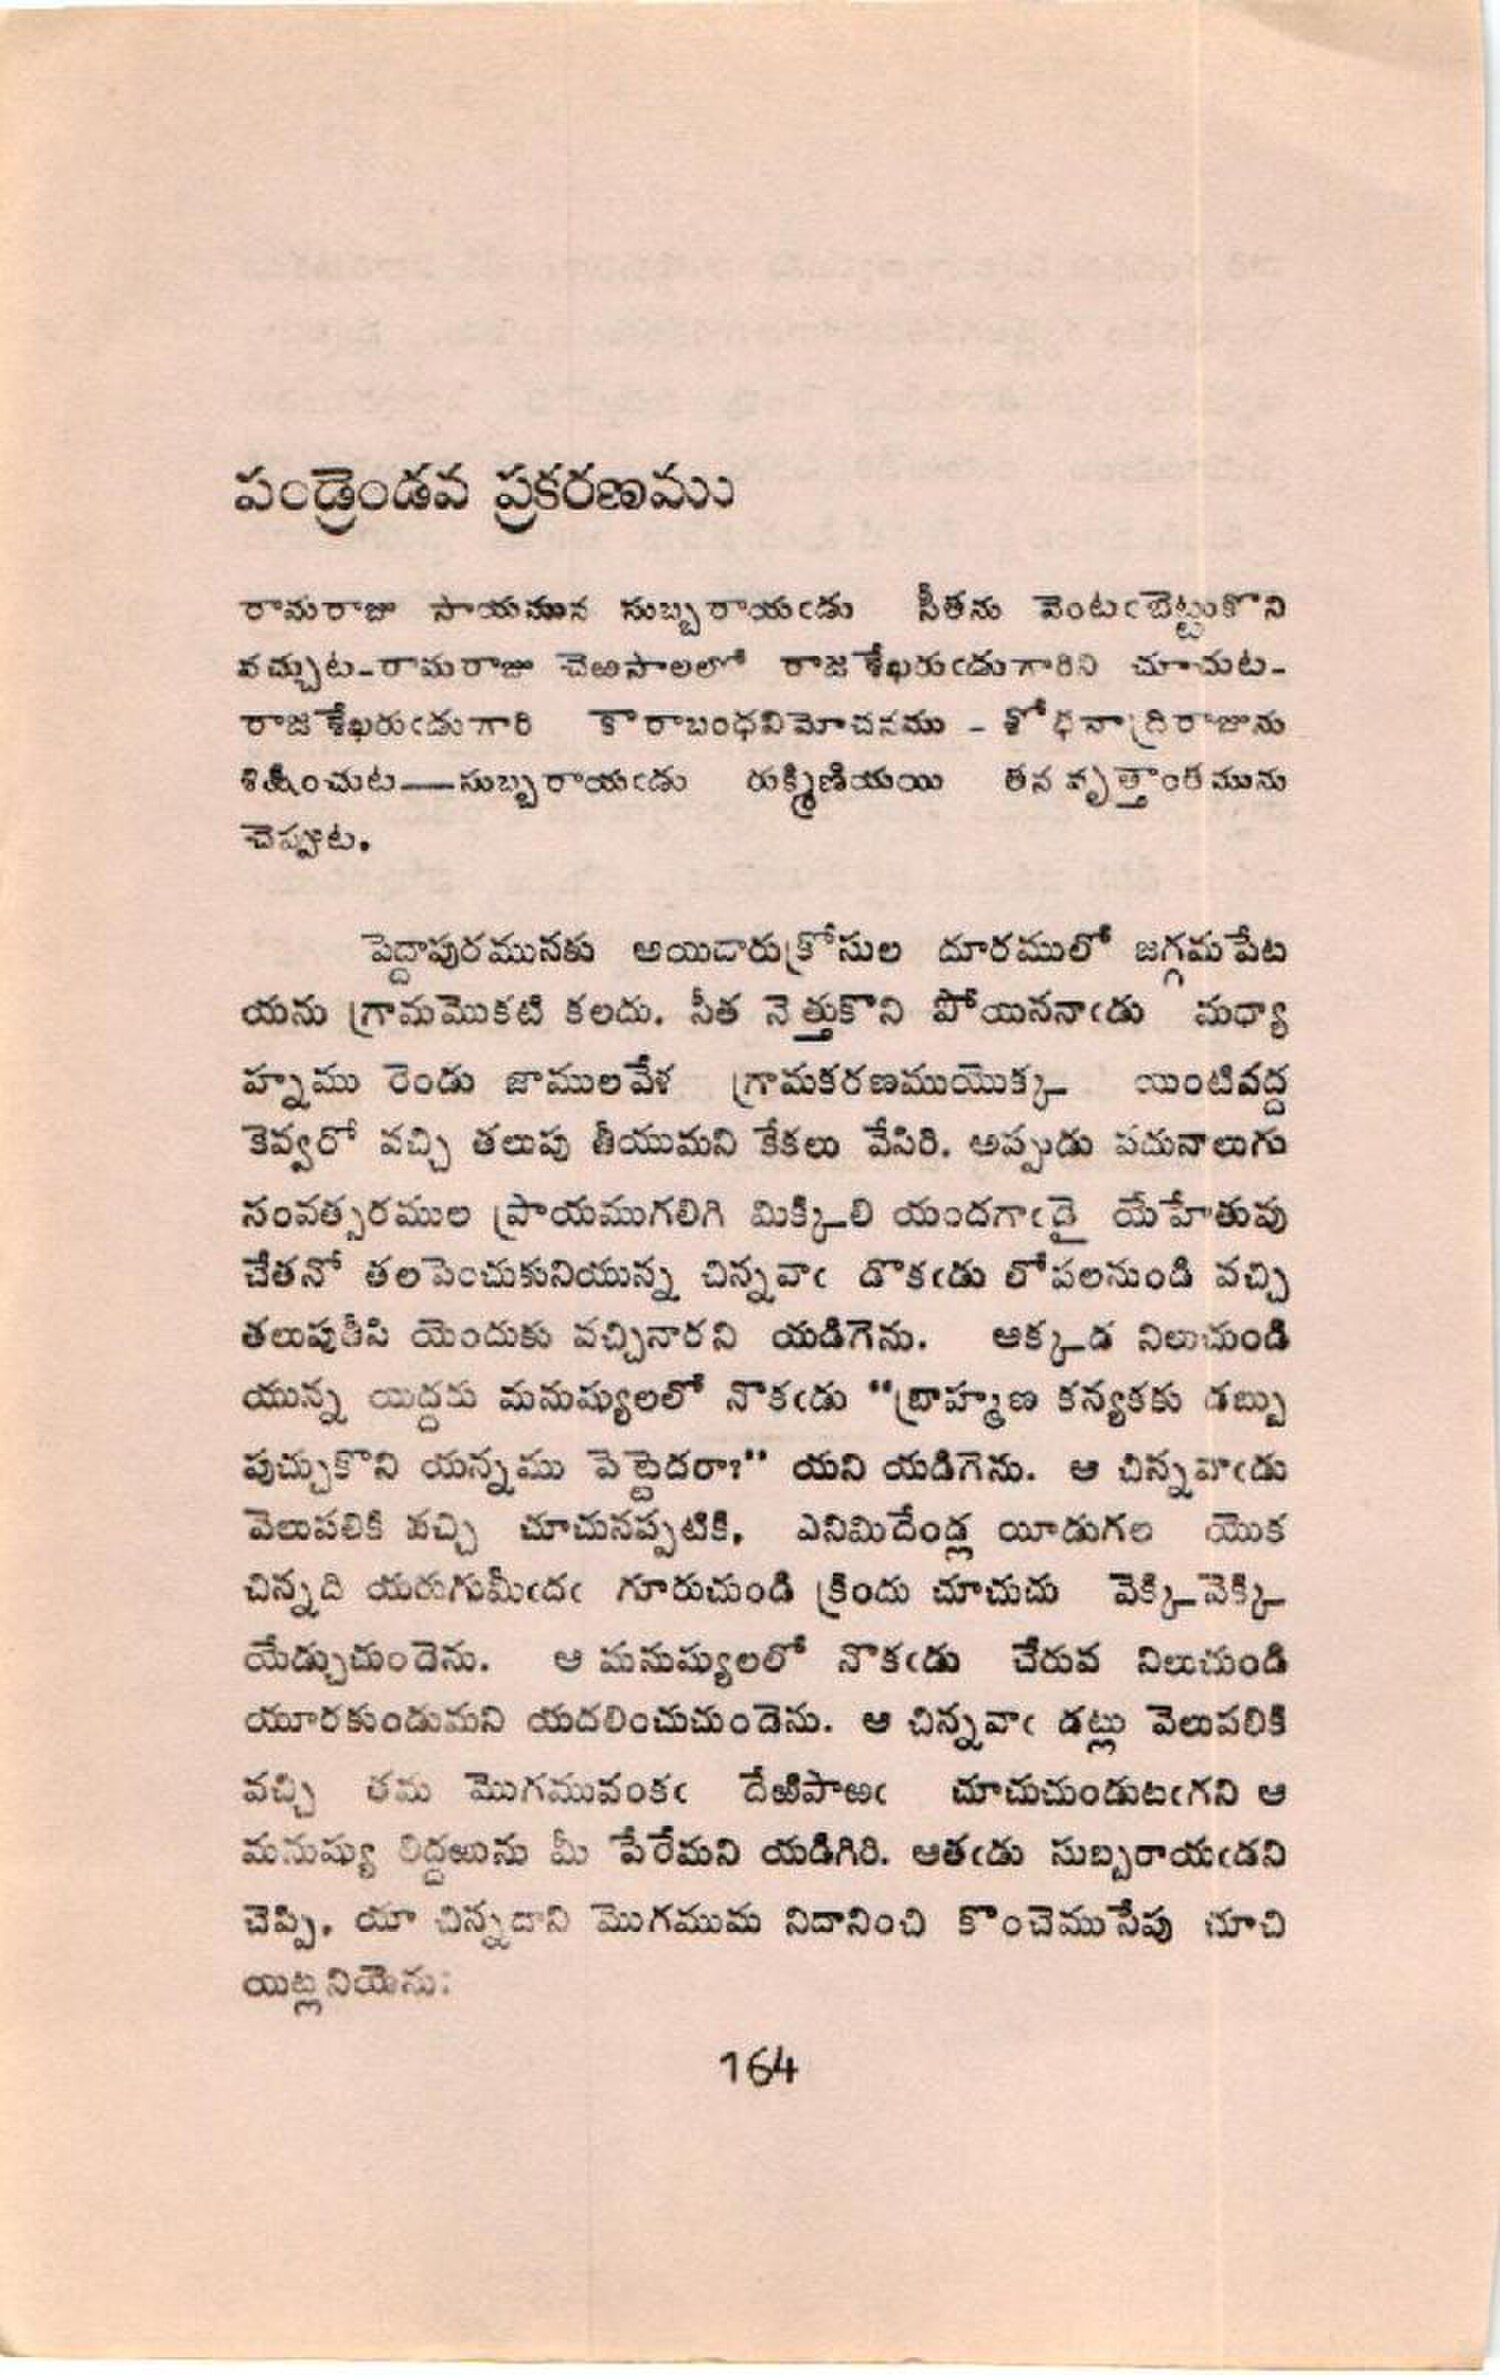పండ్రెండవ ప్రకరణము

పెద్దాపురమునకు అయిదారుక్రోసుల దూరములో జగ్గమపేట యను గ్రామమొకటి కలదు. సీత నెత్తుకొని పోయిననాఁడు మధ్యాహ్నము రెండు జాములవేళ గ్రామకరణముయొక్క యింటివద్ద కెవ్వరో వచ్చి తలుపు తీయమని కేకలు వేసిరి. అప్పుడు పదునాలుగు సంవత్సరముల ప్రాయముగలిగి మిక్కిలి యందగాఁడై యేహేతువు చేతనో తలపెంచుకునియున్న చిన్నవాఁ డొకఁడు లోపలనుండి వచ్చి తలుపుతీసి యెందుకు వచ్చినారని యడిగెను. ఆక్కడ నిలుచుండి యున్న యిద్దరు మనుష్యులలో నొకఁడు "బ్రాహ్మణ కన్యకకు డబ్బు పుచ్చుకొని యన్నము పెట్టెదరా" యని యడిగెను. ఆ చిన్నవాఁడు వెలుపలికి వచ్చి చూచునప్పటికి, ఎనిమిదేండ్ల యీడుగల యొక చిన్నది యరుగుమీఁదఁ గూరుచుండి క్రిందు చూచుచు వెక్కివెక్కి యేడ్చుచుండెను. ఆ మనుష్యులలో నొకఁడు చేరువ నిలుచుండి యూరకుండుమని యదలించుచుండెను. ఆ చిన్నవాఁ డట్లు వెలుపలికి వచ్చి తమ మొగమువంకఁ దేఱిపాఱఁ చూచుచుండుటఁగని ఆ మనుష్యు లిద్దఱును మీ పేరేమని యడిగిరి. ఆతఁడు సుబ్బరాయఁడని చెప్పి, యా చిన్నదాని మొగమును నిదానించి కొంచెముసేపు చూచి యిట్లనియెను;